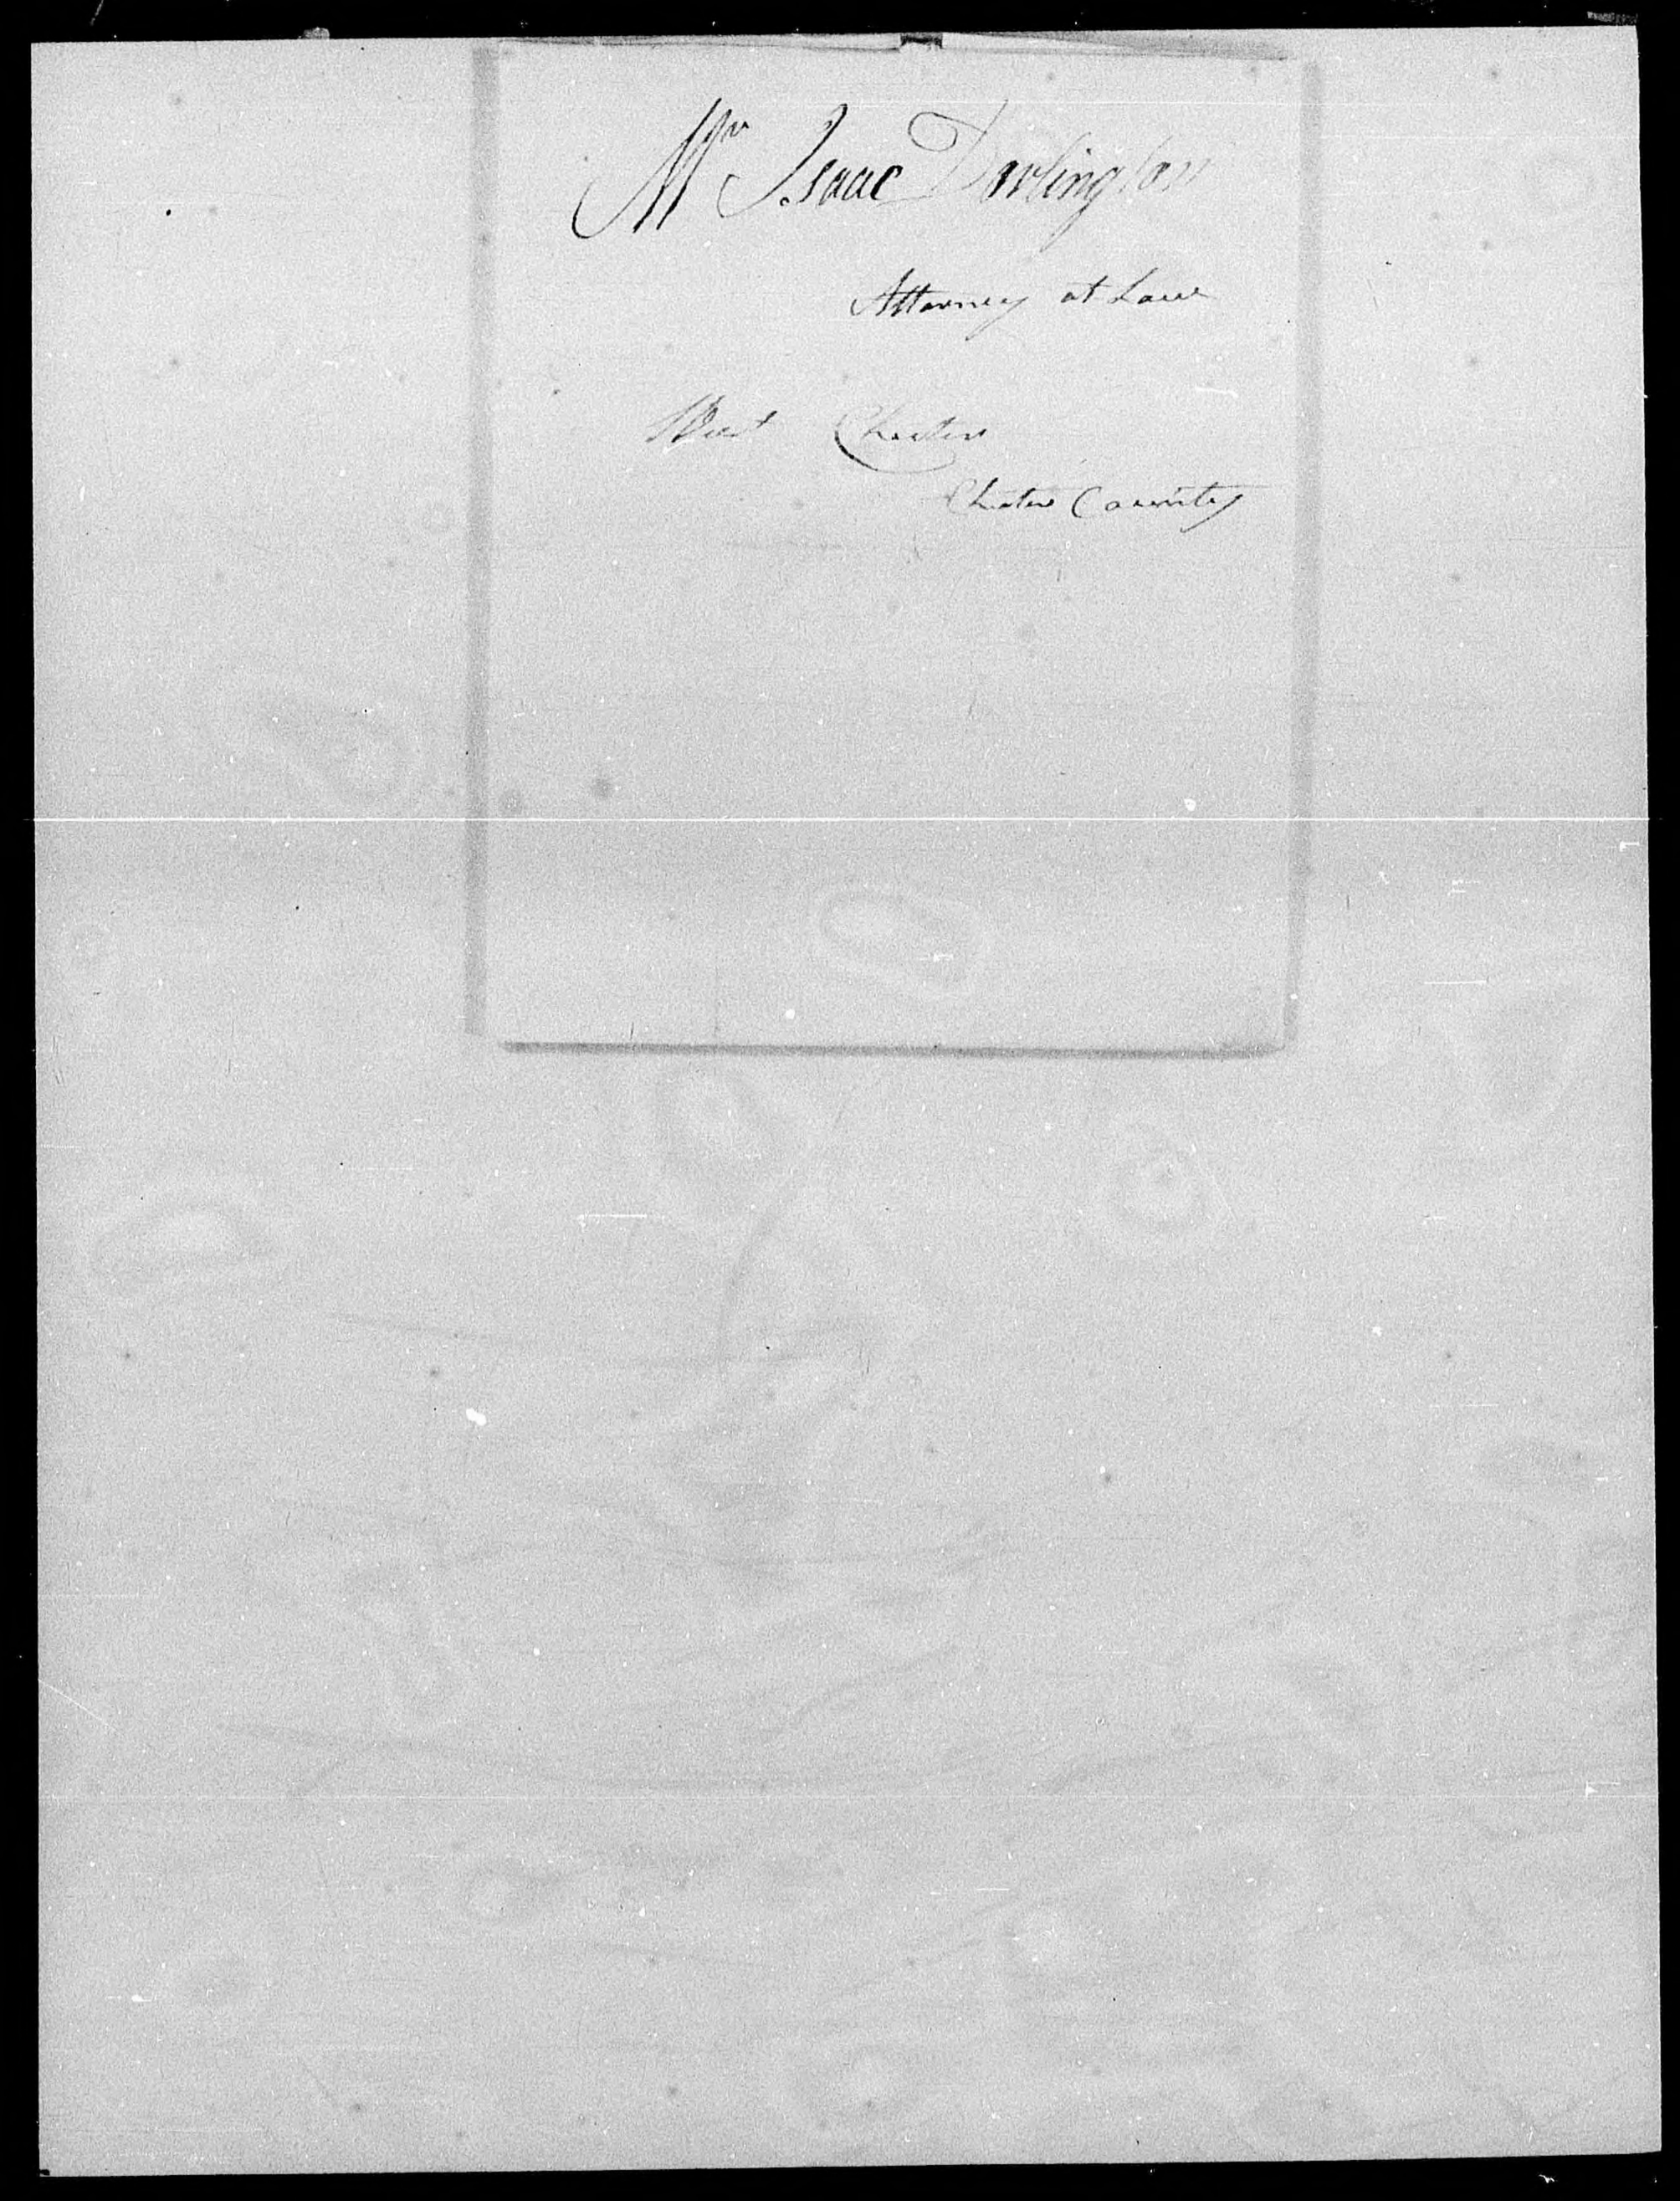Mr. Isaac Darlington
Attorney at Law
West Chester
Chester County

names: Isaac Darlington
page: 29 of 63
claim: widow's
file: W 2957, for Thomas Mc Dowell, Maryland